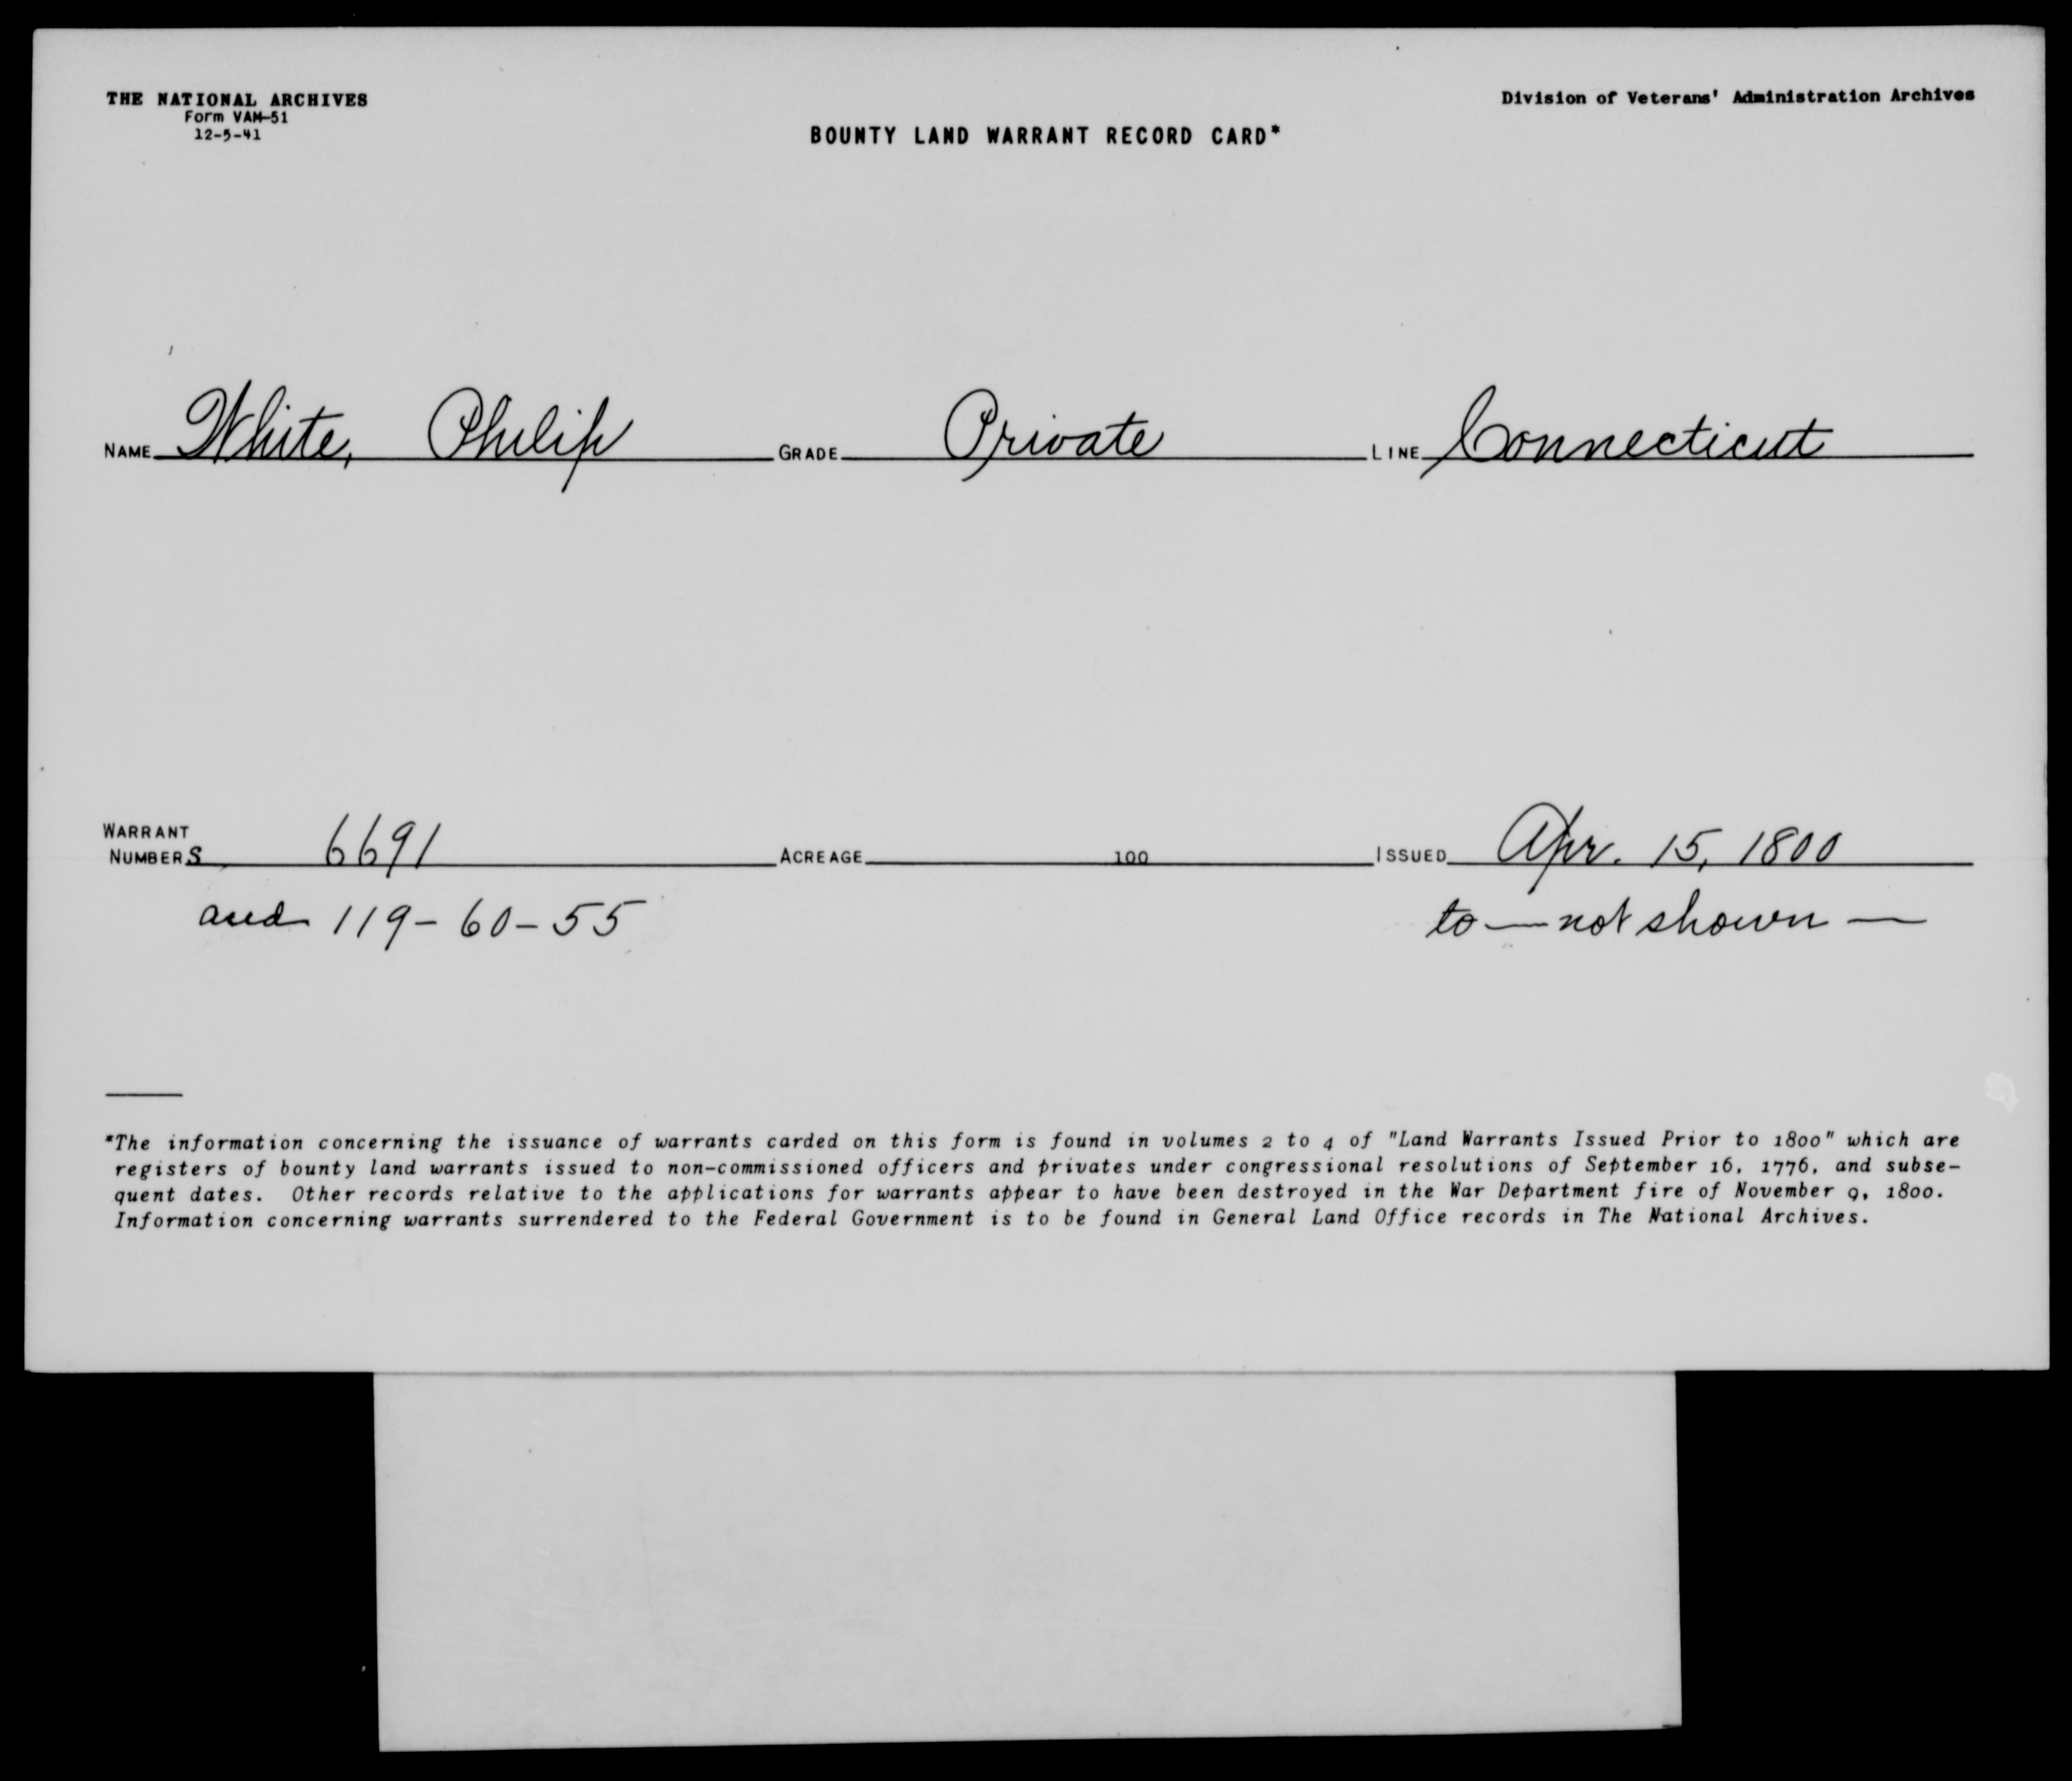THE NATIONAL ARCHIVES
Form VAM-51-
12-5-41

BOUNTY LAND WARRANT RECORD CARD*

Division of Veterans' Administration Archives

NAME White, Philip  GRADE Private LINE Connecticut

WARRANT
NUMBERS 6691
and 119-60-55 ACREAGE 100 ISSUED Apr. 15, 1800
to not shown-

The information concerning the issuance of warrants carded on this form is found in volumes 2 to 4 of "Land Warrants Issued Prior to 1800" which are
registers of bounty land warrants issued to non-commissioned officers and privates under congressional resolutions of September 16, 1776, and subsequent dates. Other records relative to the applications for warrants appear to have been destroyed in the War Department fire of November 9, 1800.
Information concerning warrants surrendered to the Federal Government is to be found in General Land Office records in The National Archives.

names: Philip White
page: 29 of 50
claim: widow's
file: W. 25,969, Philip White, Conn.